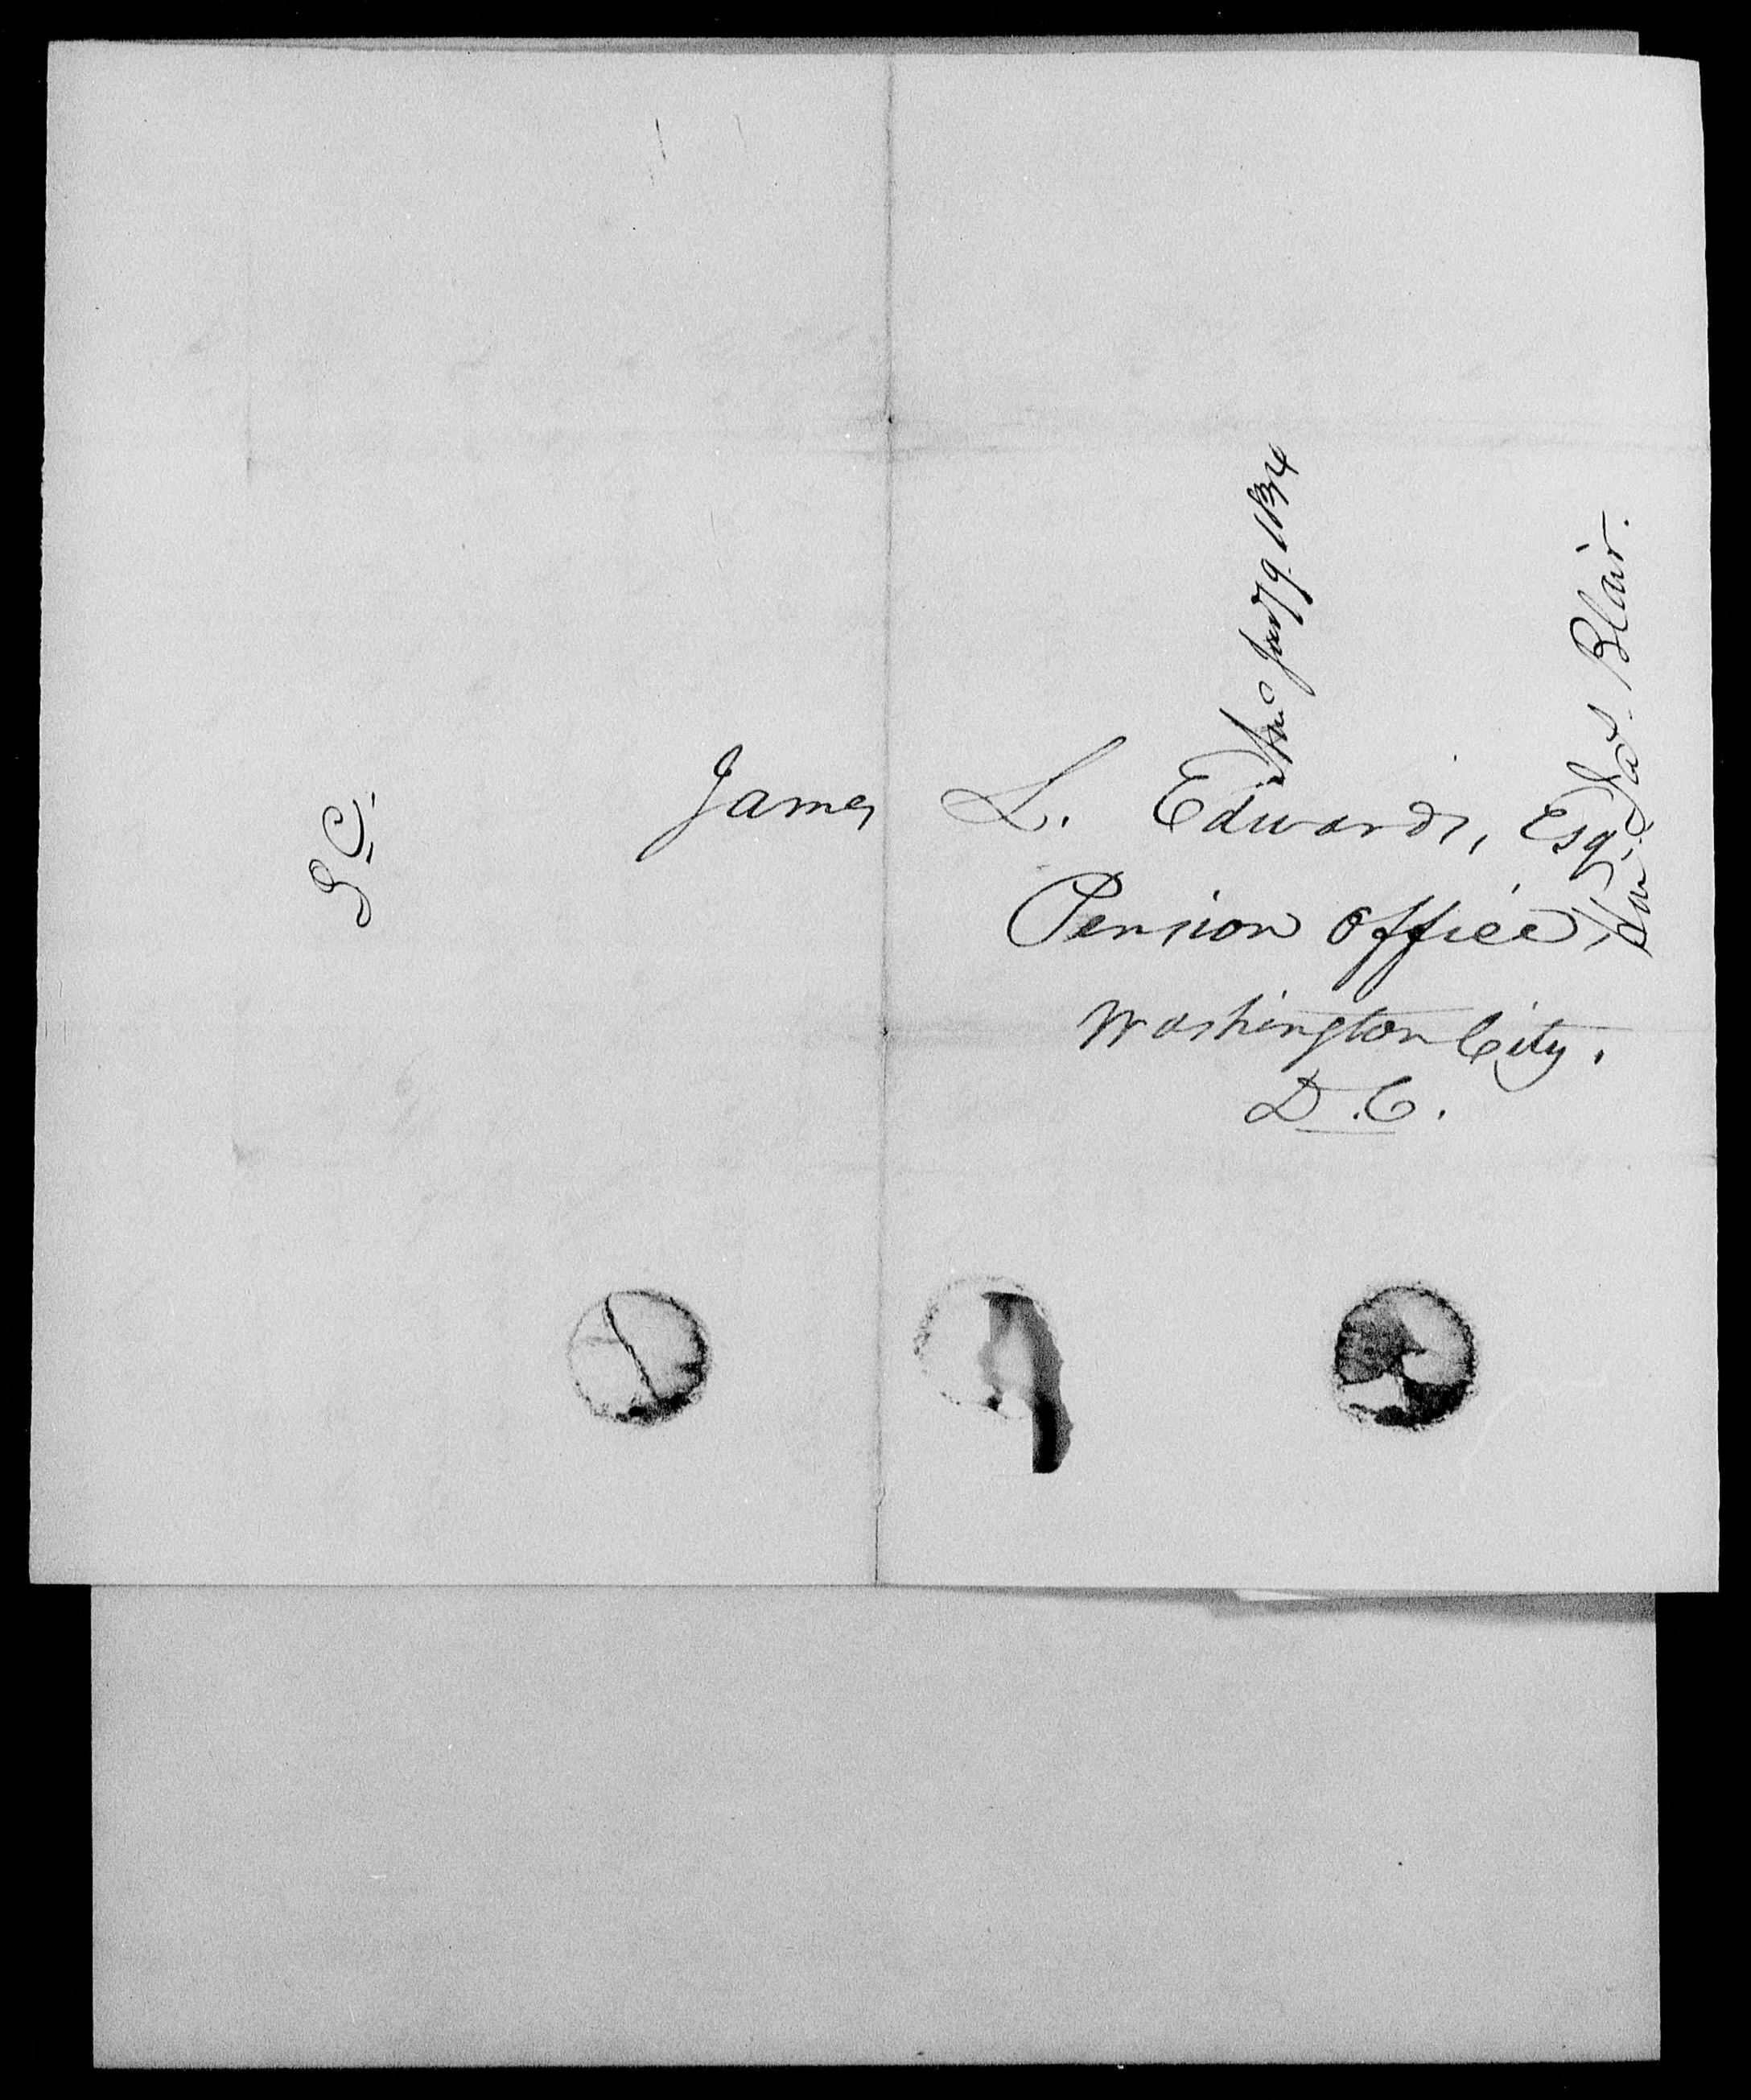S.C.
James L Edward, Esq
Pension Office
Washington D.C.
Jany 9 1834
Hon Blair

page: 13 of 28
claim: survivor's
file: S. 21844, for Samuel Jones, South Carolina